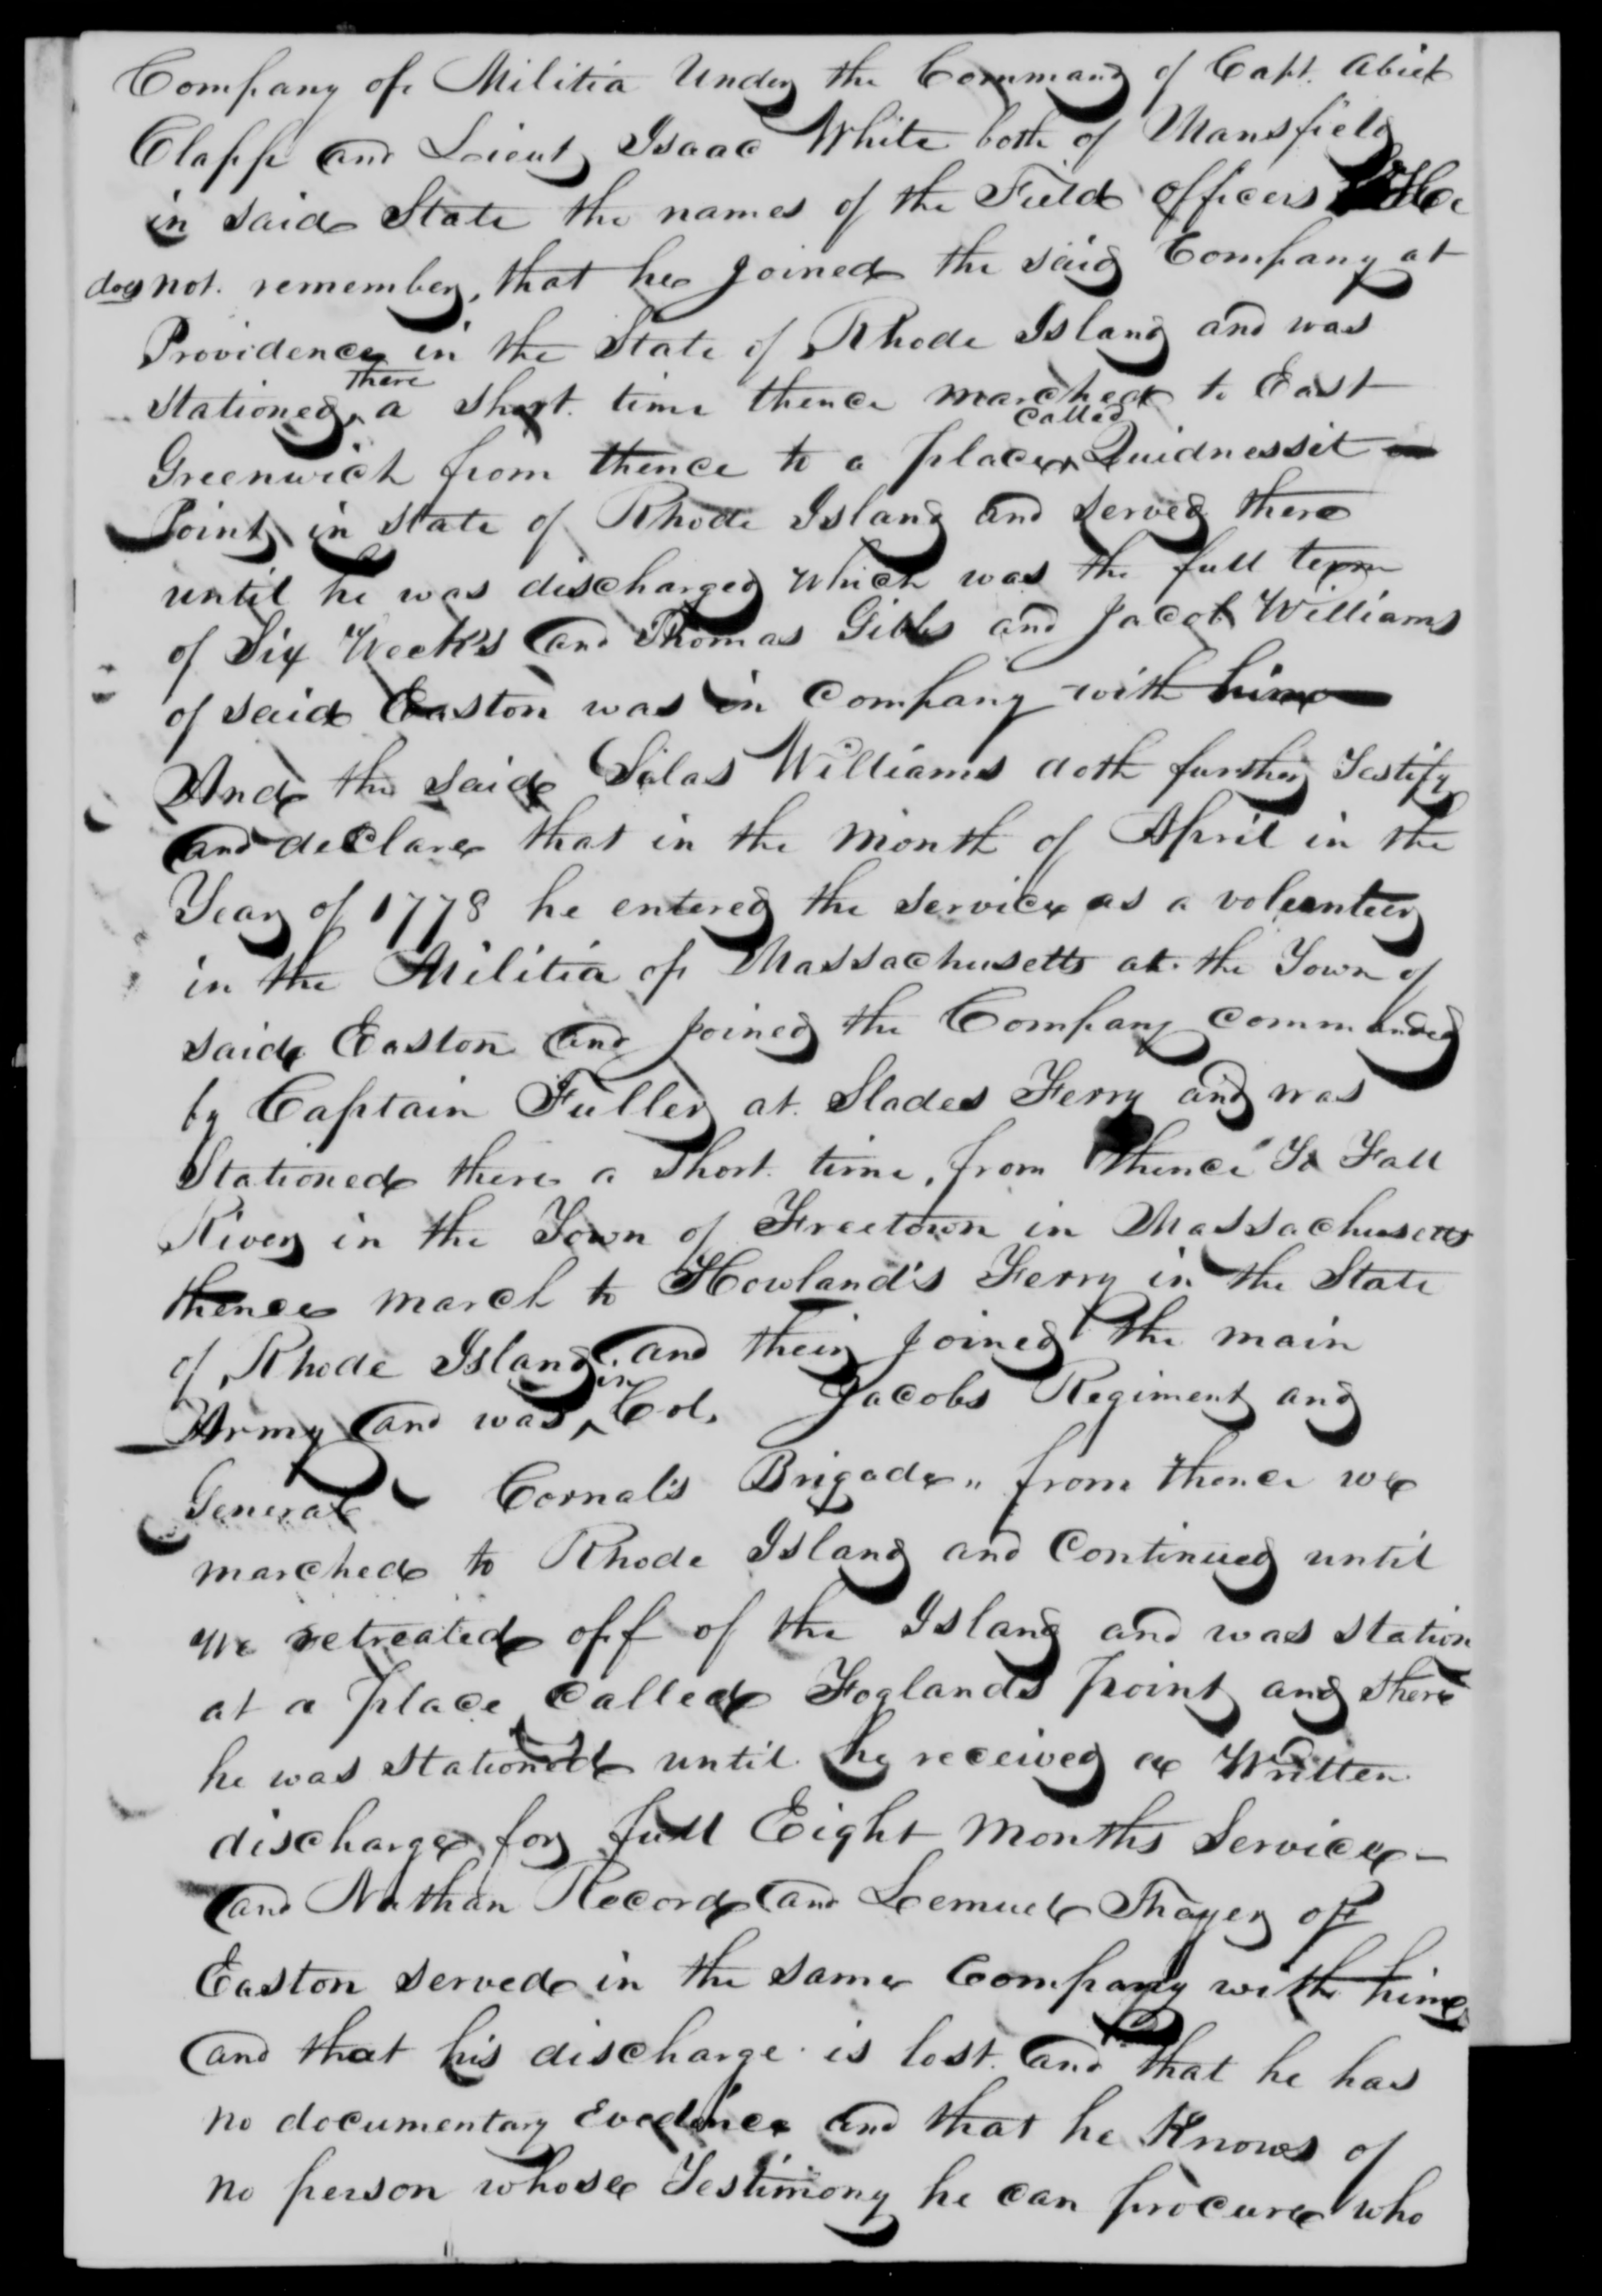Company of Militia under the command of Capt Abiel Clapp and Lieut Issac White both of Mansfield in said state the anmes of the Field officers He does not remember that he joined the said company at Providence in the state of Rhode Island and was stationed there a short time thence marched to East Greenwich from thence to a place called Quidnessit Point in state of Rhode Island and served there until he was discharged which was the full term of six weeks and Thomas Gibbs and Jacob Williams of said Easton was in company with him And the said Silas Williams doth further testify and declare that in the month of April in the year of 1778 he entered the service as a volunteer in the Militia of Massachusetts at the Town of said Easton and joined the company commanded by Captain Fuller at Slades Ferry and was stationed there a short time from thence to Fall River in the Town of Princeton in Massachusetts thence march to Howland's Ferry in the state of rhode Island and there joined the main army and was in Col Jacobs Regiment and General Cornal's Brigade from thence we marched to Rhode Island and continued until we retreated off of the Island and was station at a place called Foglands Point and there he was stationed until he received a written discharge for full eight months service and Nathan Record and Lemuel Thayer of Easton served in the same company with him and that his discharge is lost and that he has no documentary evidence and that he knows of no person whose testimony he can procure who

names: Silas Williams, Jacob Williams, Nathan Record, Thomas Gibbs, Fuller, Isaac White, Abiel Clapp, Lemuel Thayer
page: 6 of 20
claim: survivor's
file: S. 11778, Silas Williams, Mass.